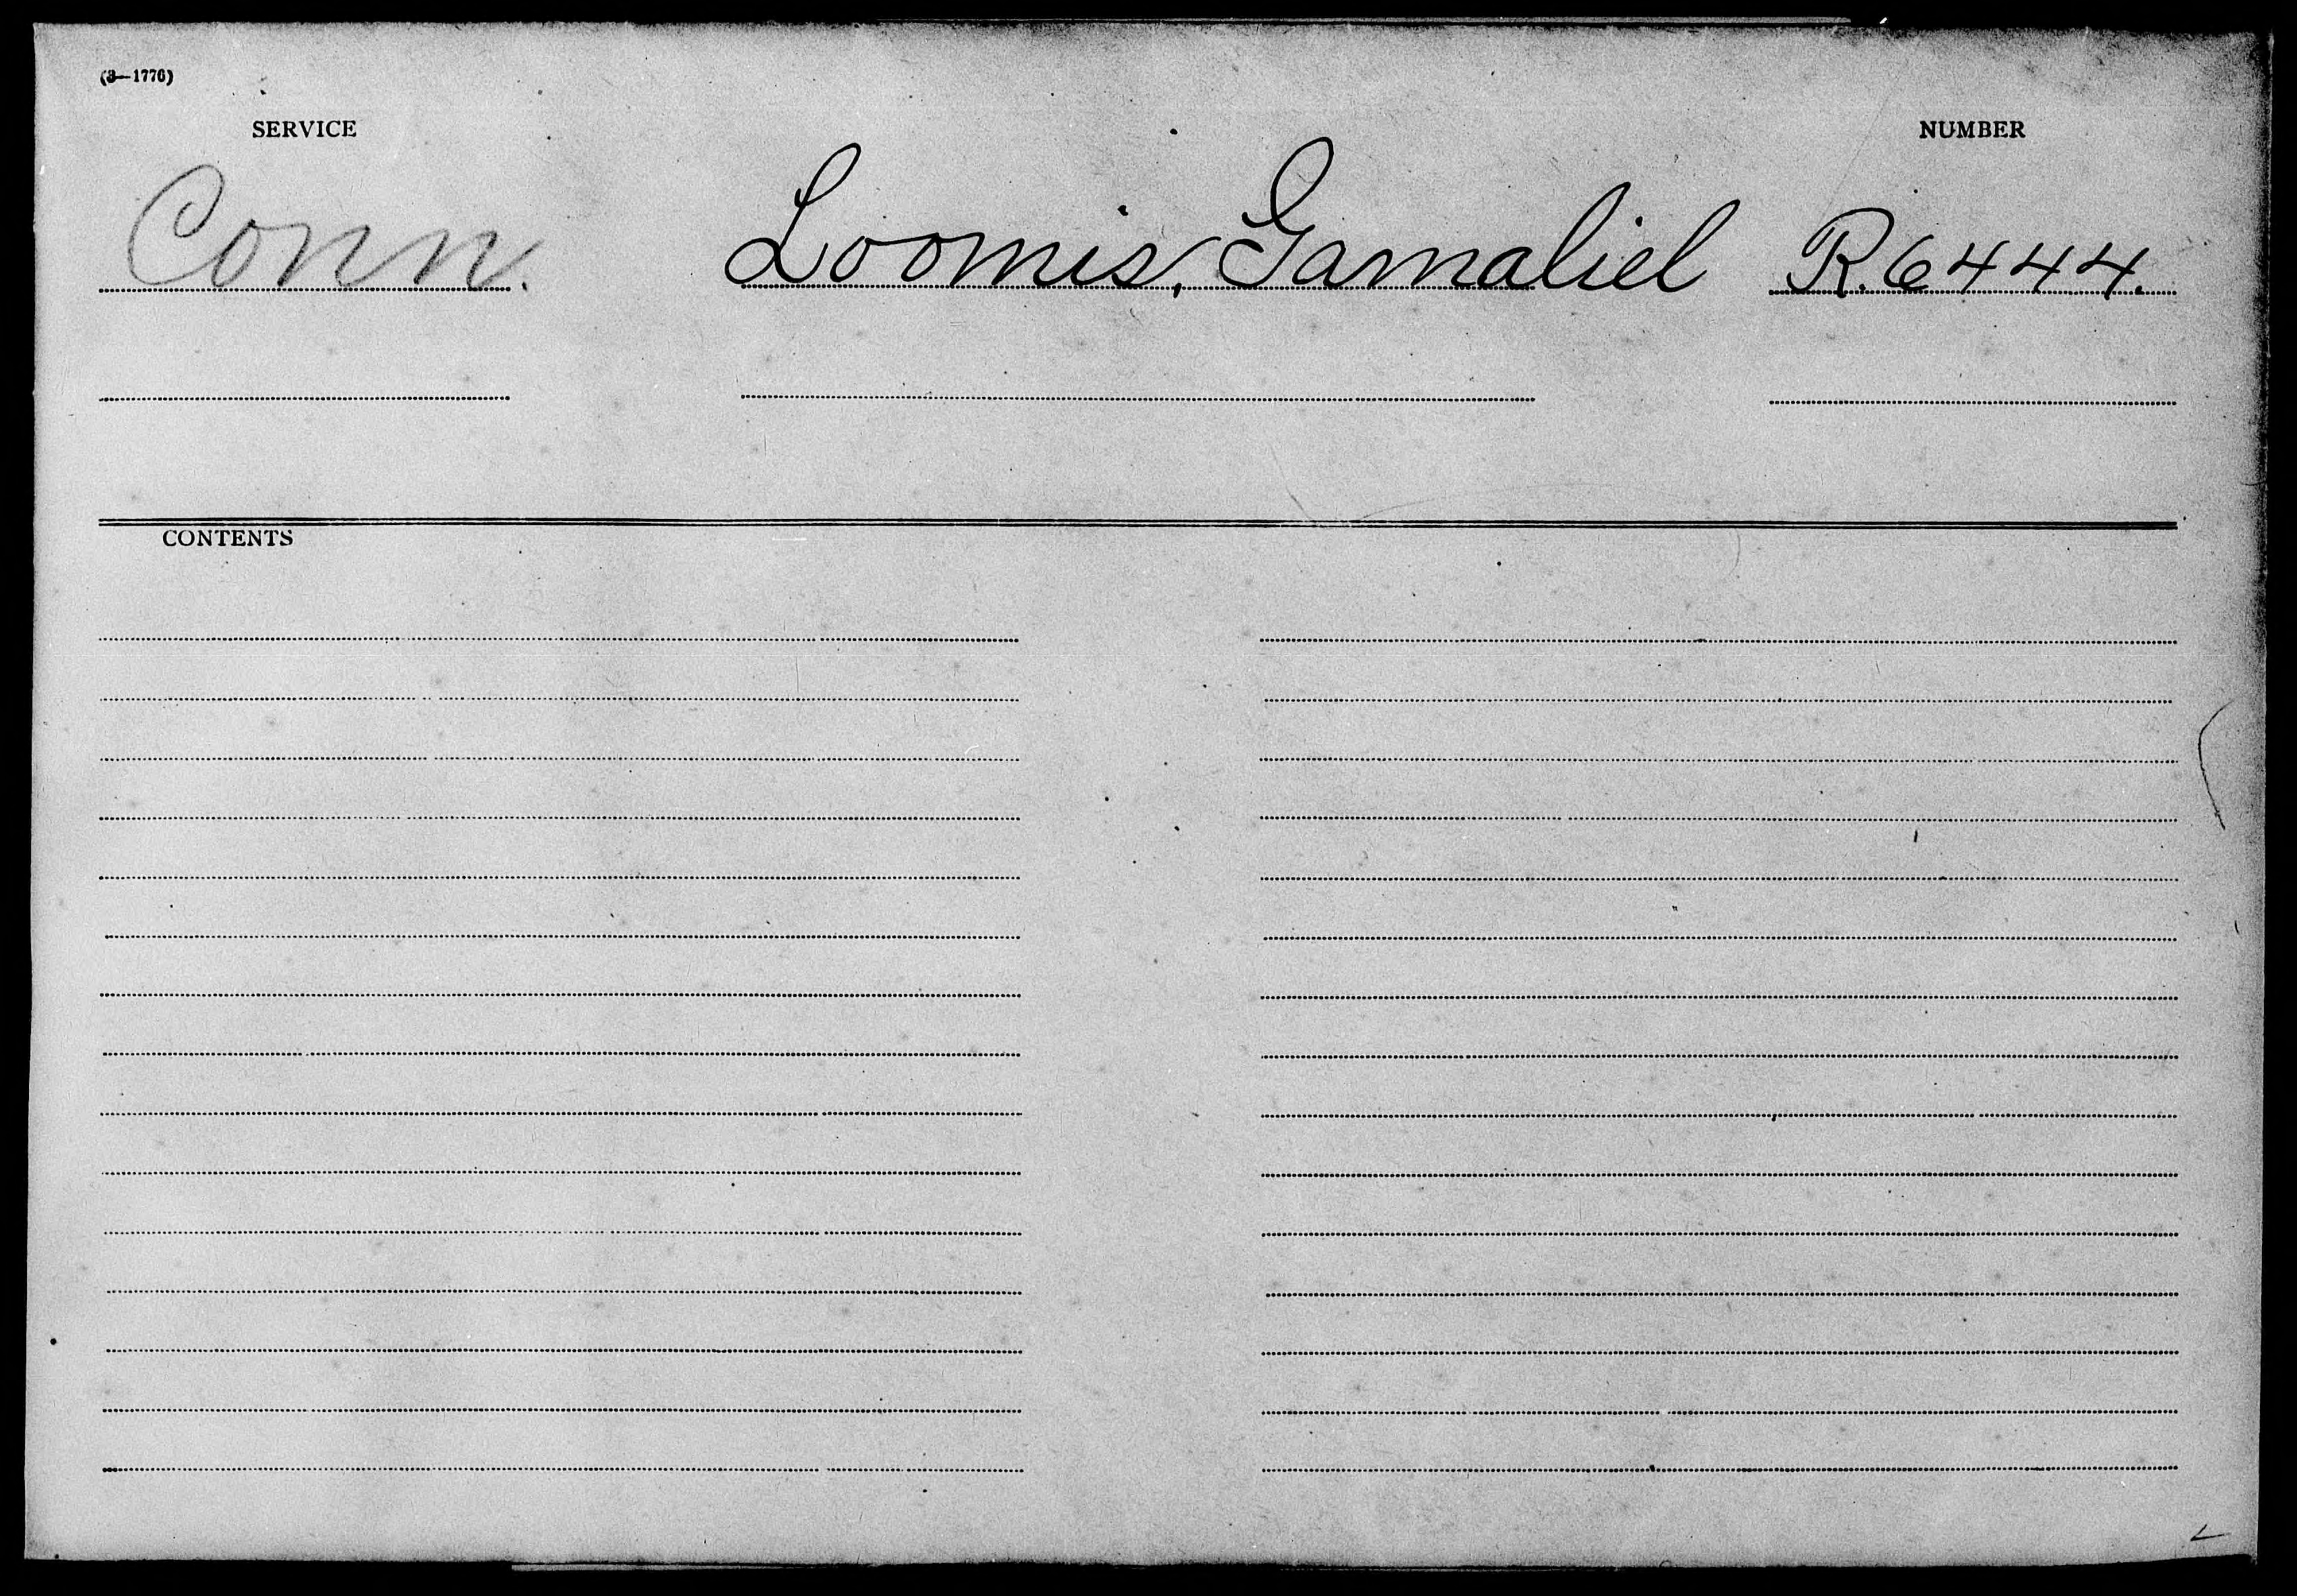SERVICE
Conn.
Loomis, Gamaliel
NUMBER 
R.6444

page: 1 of 21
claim: rejected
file: R. 6444, for Gamaliel Loomis, Connecticut